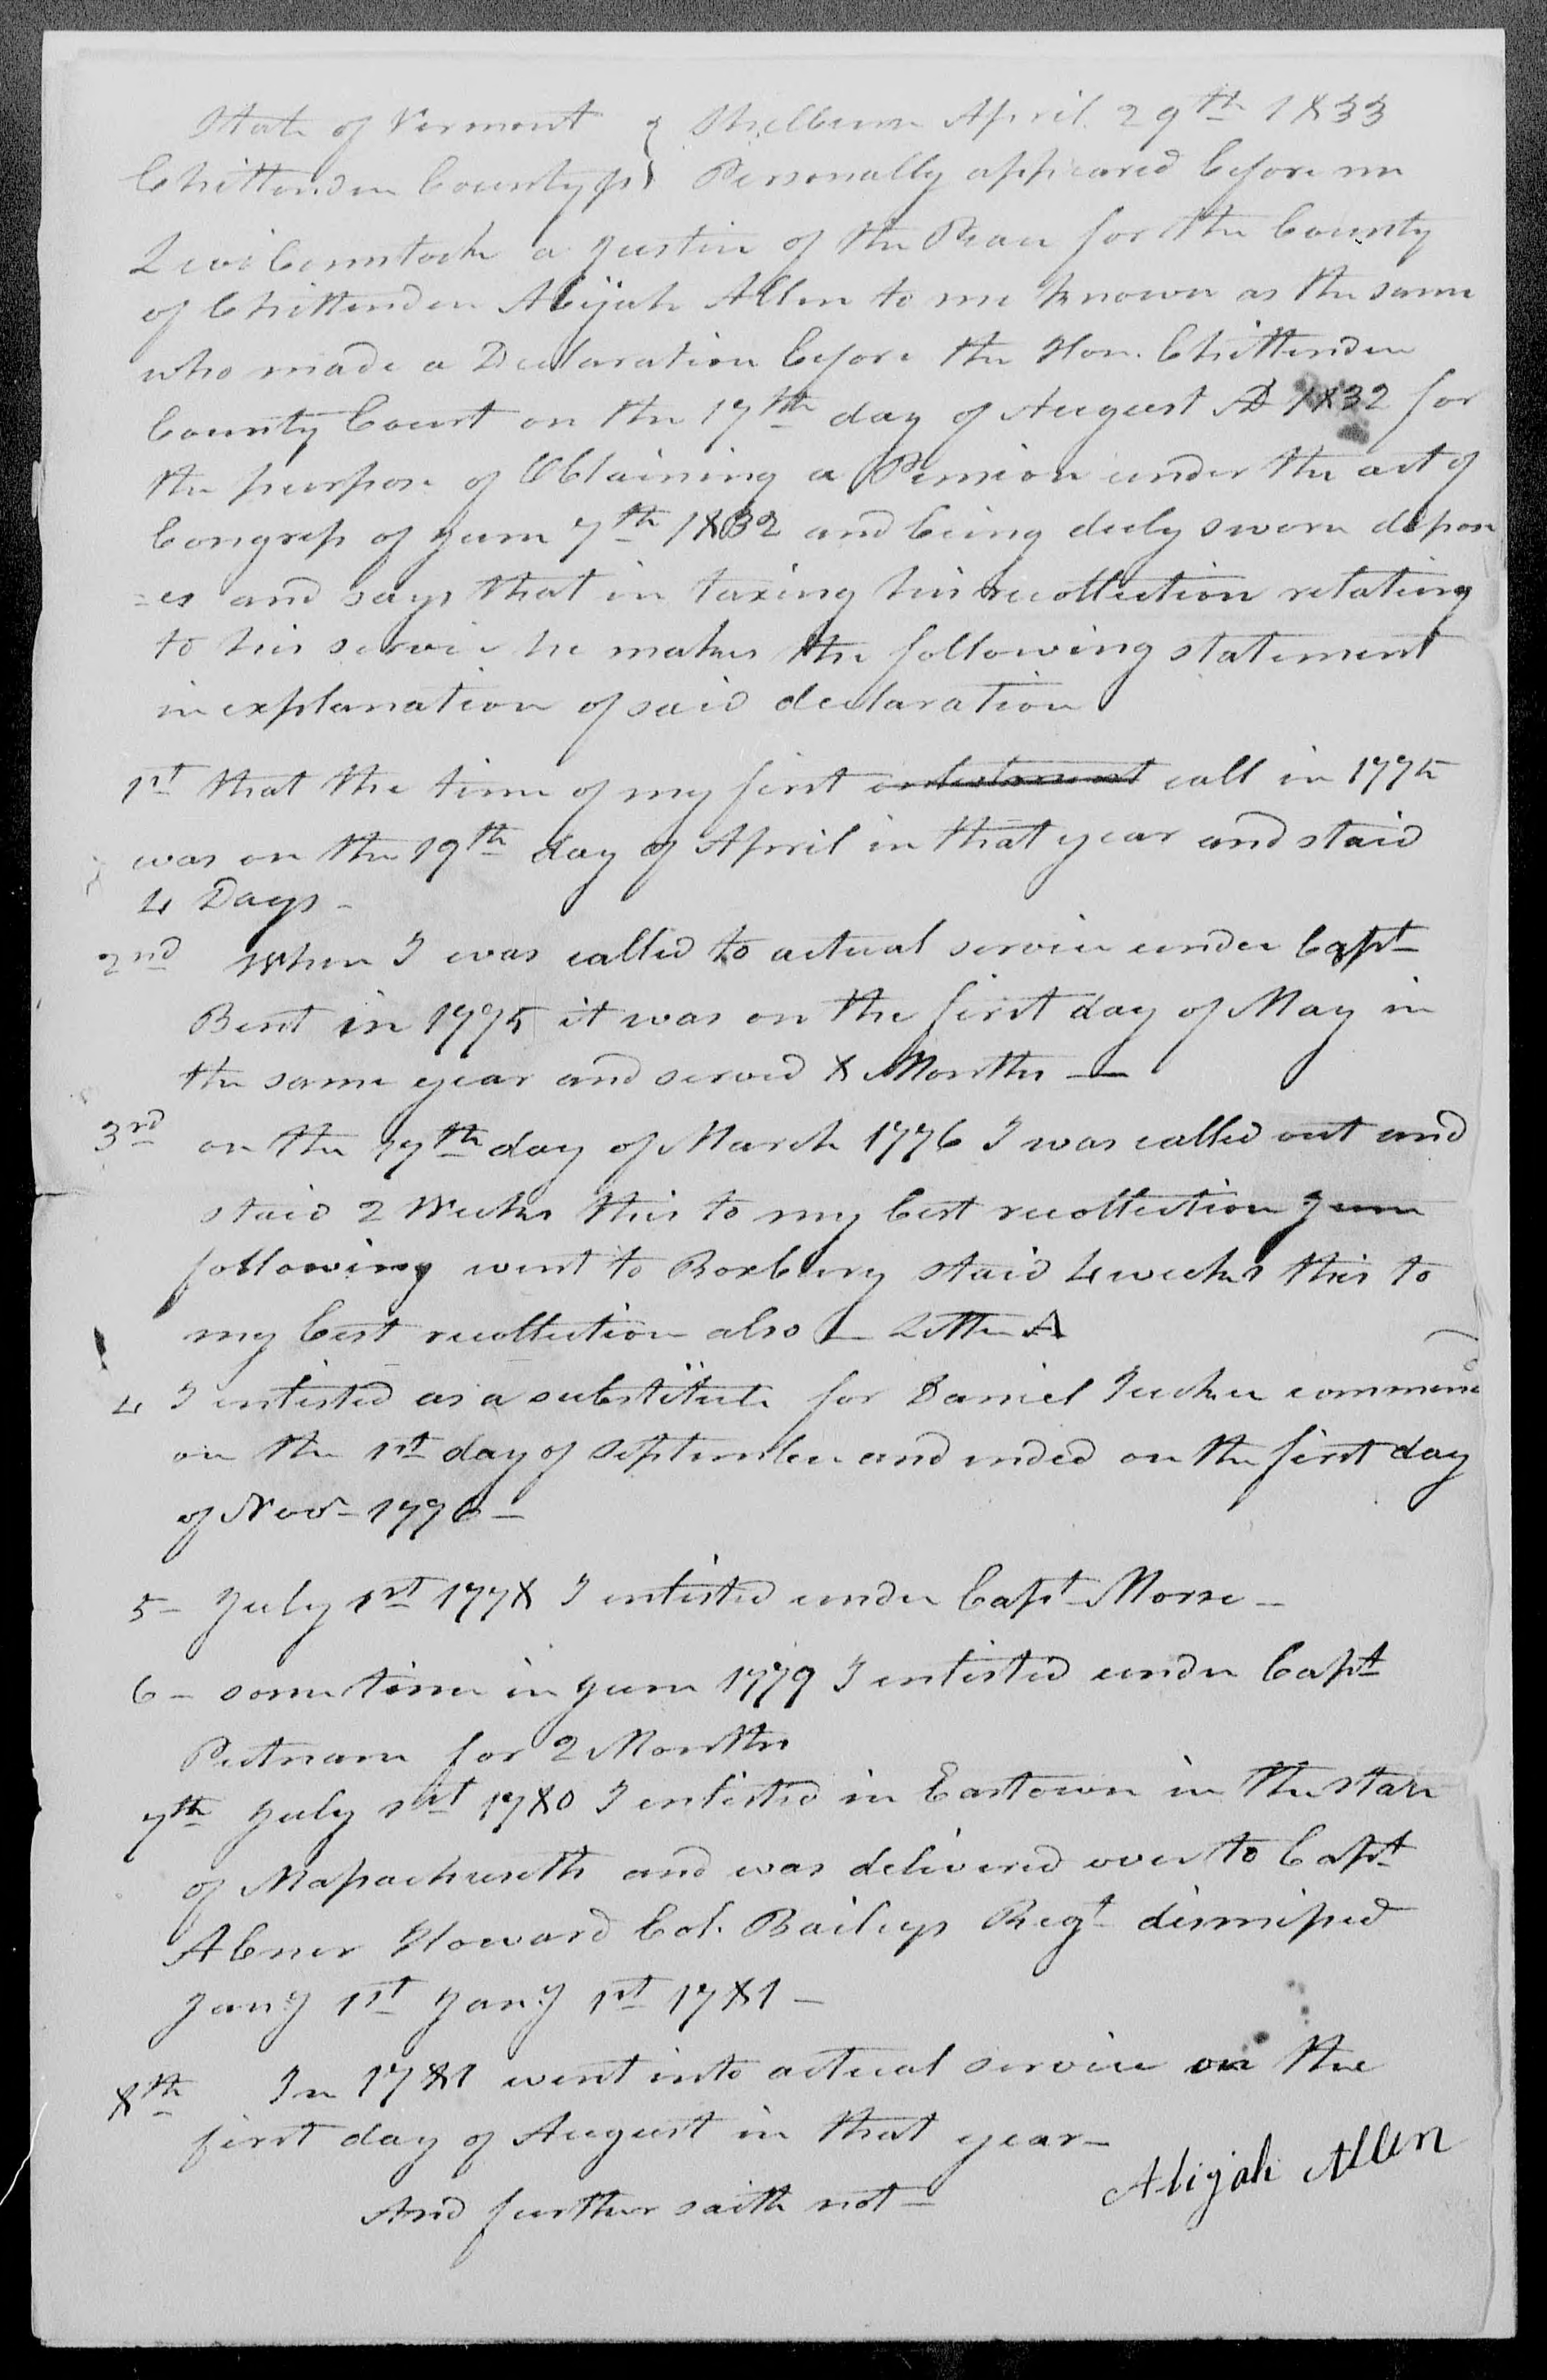State of Vermont
Chittenden County S.S.
Shelburn April 29th 1833
Personally appeared before me Levi Comstock a Justice of the Peace for the County of Chittenden Abijah Allen to me known as the same who made a Declaration before the Hon. Chittenden County Court on the 17th day of August A.D. 1832 for the purpose of Obtaining a Pension under the act of Congress of June 7th 1832 and being duly sworn depose and says that in taxing his recollection retaking to his service he makes the following statement in explanation of said declaration 
1st That the time of my first call in 1775 was on the 19th day of April in that year and staid 4 Days. 
2nd When I was called to actual service under Capt. Bent in 1775 it was on the first day of May in the same year and served 8 Months. 
3rd on the 17th day of March 1776 I was called out and staid 2 Weeks this to my best recollection [illegible] following went to Roxbury staid 4 weeks this to my best recollection also. Letter A
4 I enlisted as a substitute for Daniel Tucker commence 1st day of September and ended on the first day of Nov. 1776.
5- July 1st 1778 I enlisted under Capt. Morse.
6- sometime in June 1779 I enlisted under Capt. Putnam for 2 Months
7th- July 1st 1780 I enlisted in Eastown in the State of Massachusetts and was delivered over to Capt. Abner Howard Col. Baileys Regt. dismissed Jany 1st Jany 1st 1781. 
8th- In 1781 went into actual service on the first day of August in that year. 
And further saith not. 
Abijah Allen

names: Daniel Tucker, Putnam, Morse, Abijah Allen, Abijah Allen, Abner Howard, Bent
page: 3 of 21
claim: survivor's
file: S. 15356, Abijah Allen, Mass.